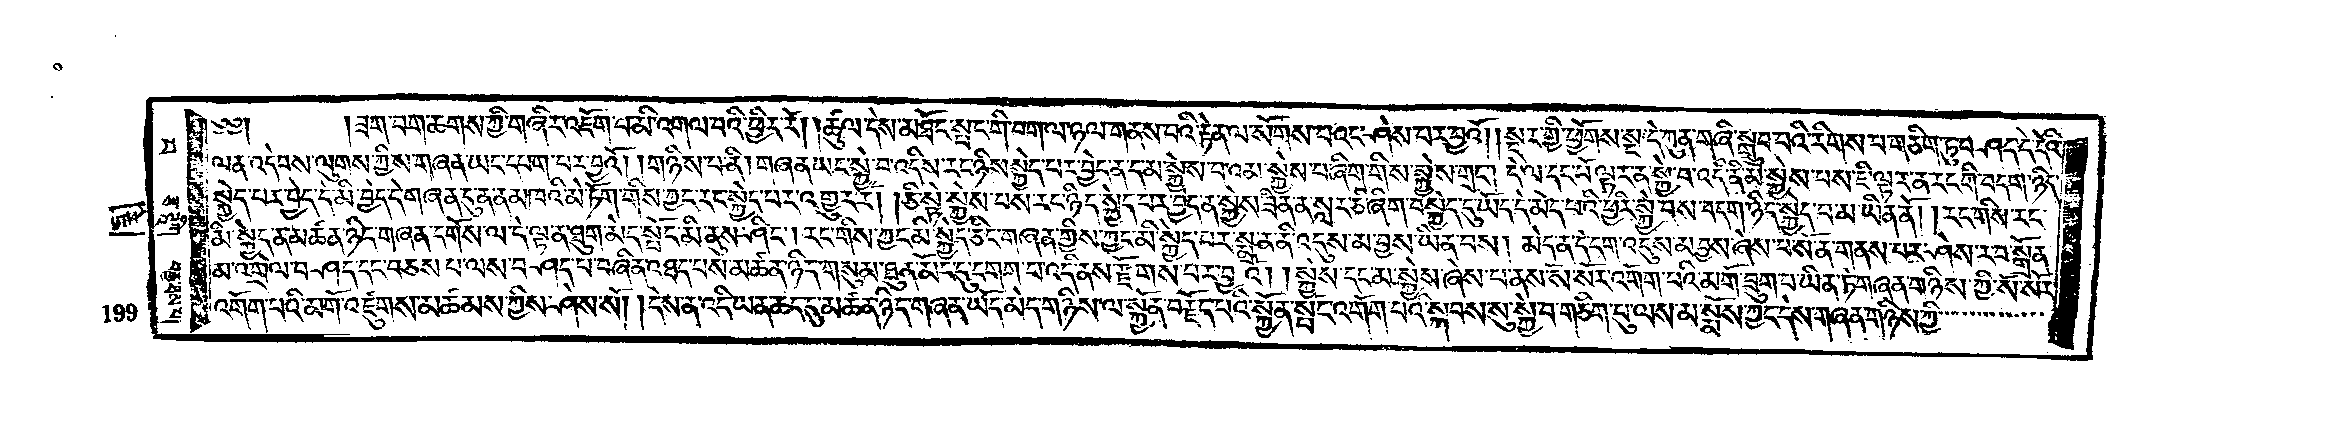༄༅། །ཟག་བག་ཆགས་ཀྱི་གཞིར་འཇོག་པ་མི་འགལ་བའི་ཕྱིར་རོ། །ཚུལ་དེས་མཐོང་སྤང་གི་བག་ལ་ཉལ་གནས་པའི་རྟེན་ལ་སོགས་པའང་ཤེས་པར་བྱའོ། །སྔར་གྱི་ཕྱོགས་སྔ་དེ་ཀུན་གཞི་སྒྲུབ་པའི་རིགས་པ་གཅག་ཏུ་བཤད་ད་དེའི་
ལན་འདེབས་ལུགས་ཀྱིས་གཞན་ཡང་དཔག་པར་བྱའོ། །གཉིས་པ་ནི། གཞན་ཡང་སྐྱེ་བ་འདིས་རང་ཉིས་སྐྱེད་པར་བྱེད་ན་དམ་སྐྱེས་པའམ་སྐྱེས་པ་ཞིག་གིས་སྐྱེས་གྲང་། དེ་ལ་དང་པོ་ལྟར་ན་སྐྱེ་བ་འདི་ནི་མ་སྐྱེ་པས་ཇི་ལྟར་ན་རང་གི་བདག་ཉིད་
སྐྱེད་པར་བྱེད་དེ་མི་བྱེད་དེ་གཞན་དུ་ན་ནམཁའི་མེ་ཏོག་གིས་ཀྱང་རང་སྐྱེད་པར་འགྱུར་རོ། །ཅི་སྟེ་སྐྱེས་པས་རང་ཉིད་སྐྱེད་པར་བྱེད་ན་སྐྱེས་ཟིན་ན་སླར་ཅི་ཞིག་བསྐྱེད་དུ་ཡོད་དེ་མེད་པའི་ཕྱིར་སྐྱེ་བས་བདག་ཉིད་སྐྱེད་པ་མ་ཡིན་ནོ། །རང་གིས་རང་
མི་སྐྱེད་ན་མཚན་ཉིད་གཞན་དགོས་ལ་དེ་ལྟ་ན་ཐུག་མེད་སྤོང་མི་ནུས་ཤིང་། རང་གིས་ཀྱང་མི་སྐྱེད་ཅིང་གཞན་གྱིས་ཀྱང་མི་སྐྱེད་པར་སྨྲ་ན་ནི་འདུས་མ་བྱས་ཡིན་པས། མེད་ན་དེ་དག་འདུས་མ་བྱས་ཞེས་པ་སོ་ན་གནས་པར་ཤེས་རབ་སྒྲོན་
མ་འགྲེལ་བཤད་དང་བཅས་པ་ལས་བཤད་པ་ལས་བཤད་པ་བཞིན་འཐད་པས་མཚན་ཉིད་གསུམ་ཐུན་མོང་དུ་དགག་པ་འདི་ནས་རྫོགས་པར་བྱའོ། །སྐྱེས་དང་མ་སྐྱེས་ཞེས་པ་ནས་སོ་སོར་འགོག་པའི་མགོ་ཟུག་པ་ཡིན་ཏེ་གཞན་གཉིས་ཀྱི་སོ་སོར་
འགོག་པའི་མགོ་འཛུགས་མཚམས་ཀྱིས་ཤེས་སོ། །དེས་ན་འདི་ཡན་ཆད་དུ་མཚན་ཉིད་གཞན་ཡོད་མེད་གཉིས་ལ་སྐྱོན་བརྗོད་པའི་སྐྱོན་སྤོང་འགོག་པའི་སྐབས་སུ་སྐྱེ་བ་གཅིག་པུ་ལས་མ་སྨོས་ཀྱང་དེས་གཞན་གཉིས་ཀྱི་